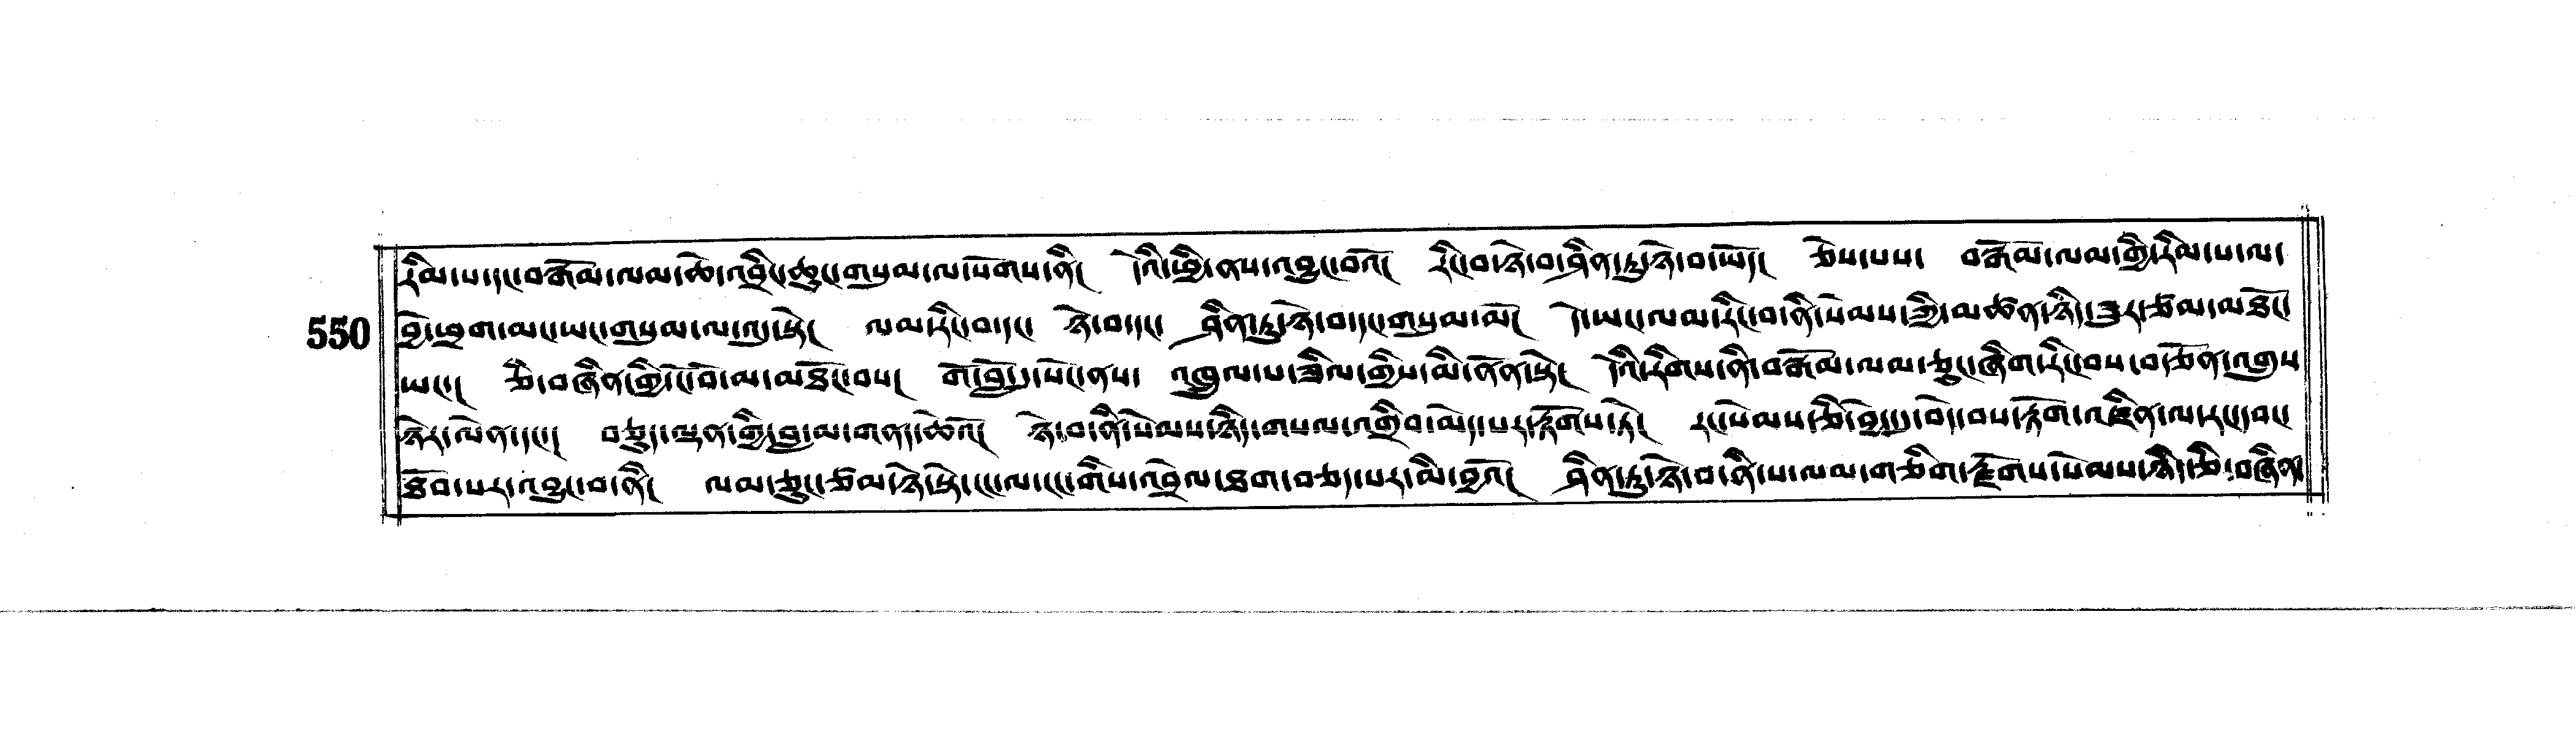རིམ་པ་དང་སྒོམ་ལམ་ཆེ་འབྲིང་ཆུང་གསུམ་ལ་སོགས་ནི། དེའི་ཕྱི་ནས་འབྱུང་བའོ། རིང་བ་ཉེ་བ་ཤིན་ཏུ་ཉེ་བ་ཡོད། ཅེས་པས། སྒོམ་ལམ་གྱི་རིམ་པ་ལ་
བྱེ་བྲག་མང་ཡང་གསུམ་ལ་འདུ་སྟེ། ལམ་རིང་བ་དང་ཉེ་བ་དང་ཤིན་ཏུ་ཉེ་བ་དང་གསུམ་མོ། དེ་ཡང་ལམ་རིང་བ་ནི་སེམས་ཀྱི་མཚན་ཉིད་ཟུར་ཙམ་མཐོང་
ཡང་། ཅི་བཞིན་གྱི་ངོ་བོ་མ་མཐོང་བས། གོ་བློ་དུ་སོང་ནས། འཁྲུལ་པ་ཟིལ་གྱིས་མི་ནོན་ཏེ། དེའི་རིགས་ནི་སྒོམ་ལམ་ཅུང་ཞིག་རིང་བས་བརྩོན་འགྲུས
ཉེར་ལེན་དང་། བཅུད་ལྡན་གྱི་བླ་མ་གནད་ཆེའོ། ཉེ་བ་ནི་སེམས་ཉིད་གསལ་འགྲིབ་མེད་པར་རྟོགས་ཏེ། རང་སེམས་ཅི་བྱེད་དུ་བདེ་བས་རྟོག་འཛིན་ལ་རང་དབང་
ཐོབ་པར་འབྱུང་བ་ནི། ལམ་ཅུང་ཙམ་ཉེ་སྟེ་ངང་ལ་ངང་གིས་འབྲེལ་ཐག་བཅད་པར་མི་བྱའོ། ཤིན་ཏུ་ཉེ་བ་ནི་ས་ལམ་གཅིག་རྫོགས་སེམས་ཉིད་ཅི་བཞིན་